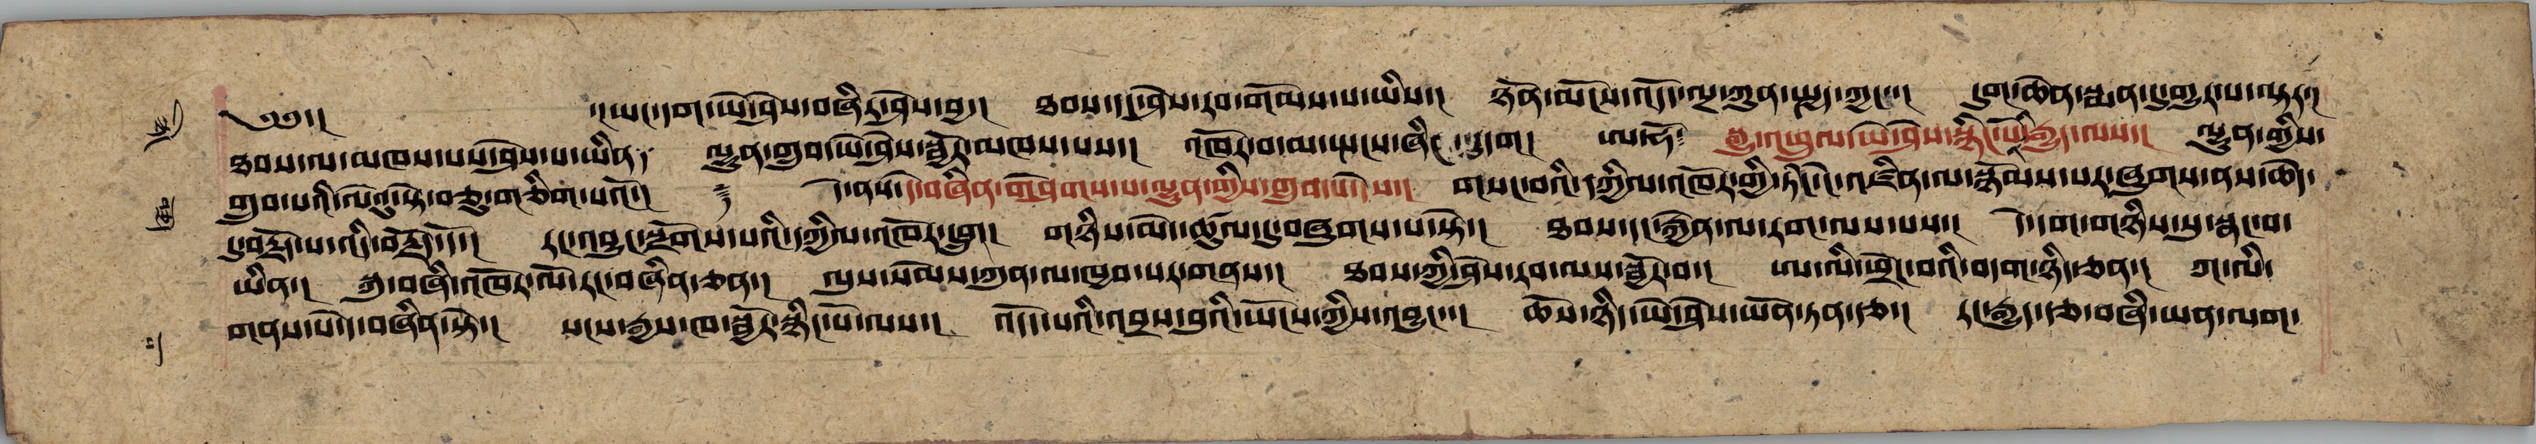༄༅་། ་།ཡང་དག་ཡེ་ཤེས་བཞིར་ཤེས་བྱ་། ཐབས་དང་ཤེས་རབ་གོམས་པ་ཡིས་། ཉོན་མོངས་འདོད་ལྔ་ཀུན་སྤྱད་ཀྱང་་། དུག་ཆེན་སྨན་དུ་གྱུར་པ་ལྟར་།
ཐབས་ལ་མཁས་པས་ཤེས་པ་ཡིན༑ ལྷུན་གྲུབ་ཡེ་ཤེས་སྦྱོར་མཁས་པས་། འཁོར་བ་མ་སྤངས་ཞིང་དུ་དག་། ཨ་ཧོ༴ སྒྱུ་འཕྲུལ་ཡེ་ཤེས་སྙིང་པོའི་རྒྱུད་ལས་། ལྷུན་གྱིས་
གྲུབ་པའི་ལེའུ་སྟེ་བཅུ་གཅིག་པའོ་། ࿑ དེ་ནས་དེ་བཞིན་གཤེགས་པ་ལྷུན་གྱིས་གྲུབ་པ་དེས་། གསང་བའི་དཀྱིལ་འཁོར་གྱི་ཏིང་ངེ་འཛིན་ལ་སྙོམས་པར་ཞུགས་ནས་ཆེད་
དུ་བརྗོད་པ་འདི་བརྗོད་དོ་། རང་འབྱུང་སྫོགས་པའི་དཀྱིལ་འཁོར་དྲུག། གཉིས་མེད་ཚུལ་དུ་བཞུགས་པ་སྟེ་། ཐབས་དང་རྐྱེན་ལ་རག་ལས་པས་། དེ་དག་གཉིས་སུ་སྣང་བ་
ཡིན་། སྐུ་བཞི་འཁོར་ལོ་རང་བཞིན་ཅན་། ལུས་སེམས་ཀུན་ལ་ཁྱབ་པར་གནས་། ཐབས་ཀྱི་ཤེས་རབ་ལས་སྦྱོར་བ་། ཨ་ལི་ཕྲེང་བའི་བདག་ཉིད་ཅན་། ཀ་ལི་
གནས་པ་དེ་བཞིན་སྟེ་། སངས་རྒྱས་ཁ་སྦྱོར་སྙིང་པོ་ལས་། འདོད་པའི་འབྲས་བུའི་ཡོངས་ཀྱིས་འབྱུང་་། ཆོས་ཉིད་ཡེ་ཤེས་ཡོན་ཏན་རྩ་། རང་རྒྱུད་རྩ་བཞི་ཡན་ལག་